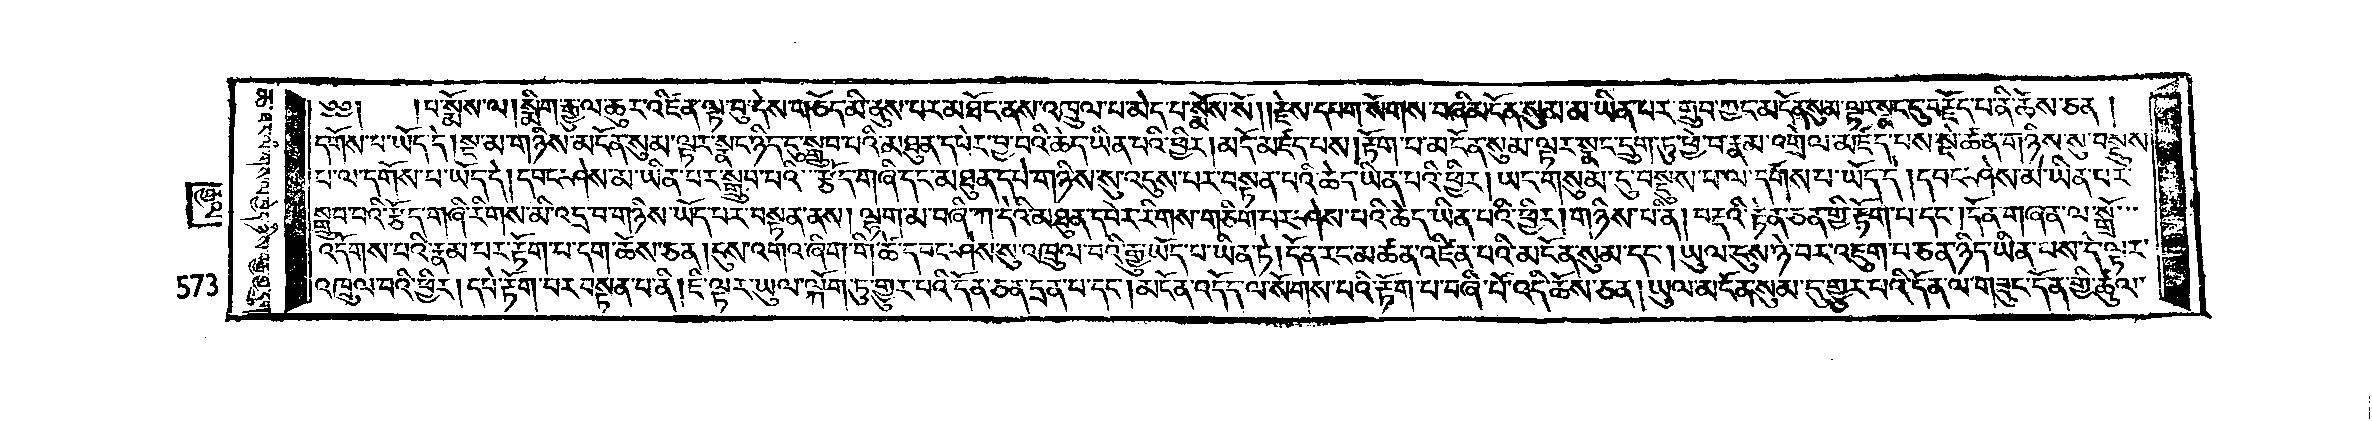༄༅། །པ་སྨོས་ལ། སྨིག་རྒྱུ་ལ་ཆུར་འཛིན་ལྟ་བུ་དེས་གཅོད་མི་ནུས་པར་མཐོང་ནས་འཁྲུལ་པ་མེད་པ་སྨོས་སོ། །རྗེས་དཔག་སོགས་བཞི་མངོན་སུམ་མ་ཡིན་པར་གྲུབ་ཀྱང་མངོན་སུམ་ལྟར་སྨད་དུ་བརྗོད་པ་ནི་ཆོས་ཅན།
དགོས་པ་ཡོད་དེ། སྔ་མ་གཉིས་མངོན་སུམ་ལྟར་སྣང་ཉིད་དུ་སྒྲུབ་པའི་མཐུན་དཔེར་བྱ་བའི་ཆེད་ཡིན་པའི་ཕྱིར། མདོ་མཛད་པས། རྟོག་པ་མངོན་སུམ་ལྟར་སྣང་དྲུག་ཏུ་ཕྱེ་བ་རྣམ་འགྲེལ་མཛད་པས་སྡེ་ཚན་གཉིས་སུ་བསྡུས་
པ་ལ་དགོས་པ་ཡོད་དེ། དབང་ཤེས་མ་ཡིན་པར་སྒྲུབ་པའི་རྩོད་གཞི་དང་མཐུན་དཔེ་གཉིས་སུ་འདུས་པར་བསྟན་པའི་ཆེད་ཡིན་པའི་ཕྱིར། ཡང་གསུམ་དུ་བསྡུས་པ་ལ་དགོས་པ་ཡོད་དེ། དབང་ཤེས་མེ་ཡིན་པར་
སྒྲུབ་པའི་རྩོད་གཞི་རིགས་མི་འདྲ་བ་གཉིས་ཡོད་པར་བསྟན་ནས། ལྷག་མ་བཞི་ཀ་དེའི་མཐུན་དཔེར་རིགས་གཅིག་པར་ཤེས་པའི་ཆེད་ཡིན་པའི་ཕྱིར། གཉིས་པ་ནི། བརྡའི་རྟེན་ཅན་གྱི་རྟོག་པ་དང་། དོན་གཞན་ལ་སྒྲོ་
འདོགས་པའི་རྣམ་པར་རྟོག་པ་དག་ཆོས་ཅན། དུས་འགའ་ཞིག་གི་ཚེ་དབང་ཤེས་སུ་འཁྲུལ་བའི་རྒྱུ་ཡོད་པ་ཡིན་ཏེ། དོན་རང་མཚན་འཛིན་པའི་མངོན་སུམ་དང་། ཡུལ་དུས་ཉེ་བར་འཇུག་པ་ཅན་ཉིད་ཡིན་པས་དེ་ལྟར་
འཁྲུལ་བའི་ཕྱིར། དཔེ་རྟོག་པར་བསྟན་པ་ནི། ཇི་ལྟར་ཡུལ་ལྐོག་ཏུ་གྱུར་པའི་དོན་ཅན་དྲན་པ་དང་། མངོན་འདོད་ལ་སོགས་པའི་རྟོག་པ་བཞི་པོ་འདི་ཆོས་ཅན། ཡུལ་མངོན་སུམ་དུ་གྱུར་པའི་དོན་ལ་གཟུང་དོན་གྱི་ཚུལ་